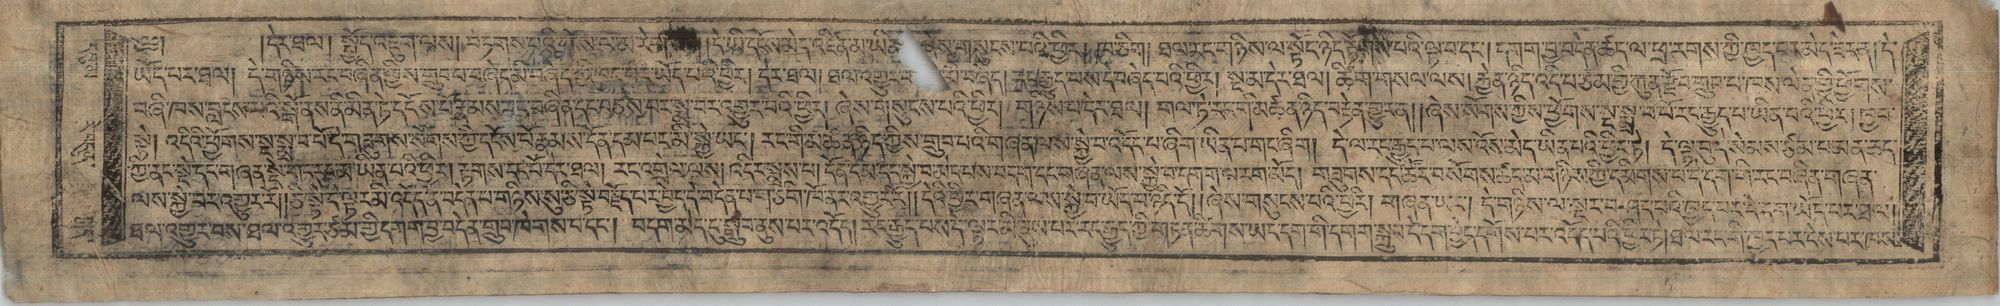༄༅། །དེར་ཐལ། སྤྱོད་འཇུག་ལས། བཏགས་པའི་དངོས་ལ་མ་རེག་བར། །དེ་ཡི་དངོས་མེད་འཛིན་མ་ཡིན། །ཞེས་གསུངས་པའི་ཕྱིར། ཁ་ཅིག །ཐལ་རང་གཉིས་ལ་སྟོང་ཉིད་རྟོགས་པའི་ལྟ་བ་དང་། དགག་བྱ་བདེན་ཚད་ལ་ཕྲ་རགས་ཀྱི་ཁྱད་པར་མེད་ཟེར་ན། དེ་
ཡོད་པར་ཐལ། དེ་གཉིས་རང་བཞིན་གྱིས་གྲུབ་པ་བཞེད་མི་བཞེད་ཀྱི་ཁྱད་པར་ཡོད་པའི་ཕྱིར། དེར་ཐལ། ཐལ་འགྱུར་བས་དེ་མི་བཞེད། རང་རྒྱུད་པས་དེ་བཞེད་པའི་ཕྱིར། སྔ་མ་དེར་ཐལ། ཚིག་གསལ་ལས། རྐྱེན་ཉིད་འདི་བ་ཙམ་གྱི་ཀུན་རྫོབ་གྲུབ་པ་ཁས་ལེན་གྱི་ཕྱོགས་
བཞི་ཁས་བླངས་པའི་སྒོ་ནས་ནི་མིན་ཏེ་དངོས་པོ་རྣམས་རང་བཞིན་དང་བཅས་པར་སྨྲ་བར་འགྱུར་བའི་ཕྱིར། ཞེས་གསུངས་པའི་ཕྱིར། གཉིས་པ་དེར་ཐལ། གལ་ཏེ་རང་གི་མཚན་ཉིད་བརྟེན་གྱུར་ན། །ཞེས་སོགས་ཀྱིས་ཕྱོགས་སྔ་སྨྲ་བ་པོ་རང་རྒྱུད་པ་ཡིན་པའི་ཕྱིར། ཁྱབ་
སྟེ། འདིའི་ཕྱོགས་སྔ་སྨྲ་བ་པོ་དེ་གཟུགས་སོགས་ཀྱི་དངོས་པོ་རྣམས་དོན་དམ་པར་མི་སྐྱེ་ཡང་། རང་གི་མཚན་ཉིད་ཀྱིས་གྲུབ་པའི་གཞན་ལས་སྐྱེ་བ་འདོད་པ་ཞིག་ཡིན་པ་གང་ཞིག །དེ་ལ་རང་རྒྱུད་པ་ལས་འོས་མེད་ཡིན་པའི་ཕྱིར་ཏེ། དེ་ལྟ་བུ་དེ་སེམས་ཙམ་པ་མན་ཆད་
ཀྱི་ནང་སྡེ་དང་གཞན་སྡེ་གང་རུང་མ་ཡིན་པའི་ཕྱིར། རྟགས་དང་པོ་དེར་ཐལ། རང་འགྲེལ་ལས། འདིར་སྨྲས་པ། དོན་དམ་དང་སྐྱེ་བ་མེད་པས་བདག་དང་གཞན་ལས་སྐྱེ་བ་དགག་ལ་རག་མོད། གཟུགས་དང་ཚོར་བ་སོགས་ཚད་མ་གཉིས་ཀྱི་དམིགས་པ་དེ་དག་གི་རང་བཞིན་གཞན་
ལས་སྐྱེ་བར་འགྱུར་རོ། །ཅི་སྟེ་དེ་ལྟར་མི་འདོད་ན་བདེན་པ་གཉིས་སུ་ཅི་སྟེ་བརྗོད་པར་བྱེད་དེ་བདེན་པ་གཅིག་ཁོ་ནར་འགྱུར་རོ། །དེའི་ཕྱིར་གཞན་ལས་སྐྱེ་བ་ཡོད་པ་ཉིད་དོ། །ཞེས་གསུངས་པའི་ཕྱིར། གཞན་ཡང་། དེ་གཉིས་ལ་སྔར་བཤད་པའི་ཁྱད་པར་དེ་དག་ཡོད་པར་ཐལ།
ཐལ་འགྱུར་བས་ཐལ་འགྱུར་ཙམ་གྱི་དགག་བྱ་བདེན་གྲུབ་ཁེགས་པ་དང་། བདག་མེད་དུ་སྒྲུབ་ནུས་པར་འདོད། རང་རྒྱུད་པས་དེ་ལྟར་མི་ནུས་པར་རང་རྒྱུད་ཀྱི་གཏན་ཚིགས་ཡང་དག་གི་དགག་སྒྲུབ་དེ་དག་བྱེད་དགོས་པར་འདོད་པའི་ཕྱིར་ཏེ། ཐལ་རང་གི་ཁྱད་པར་ངེས་པར་ཁས་